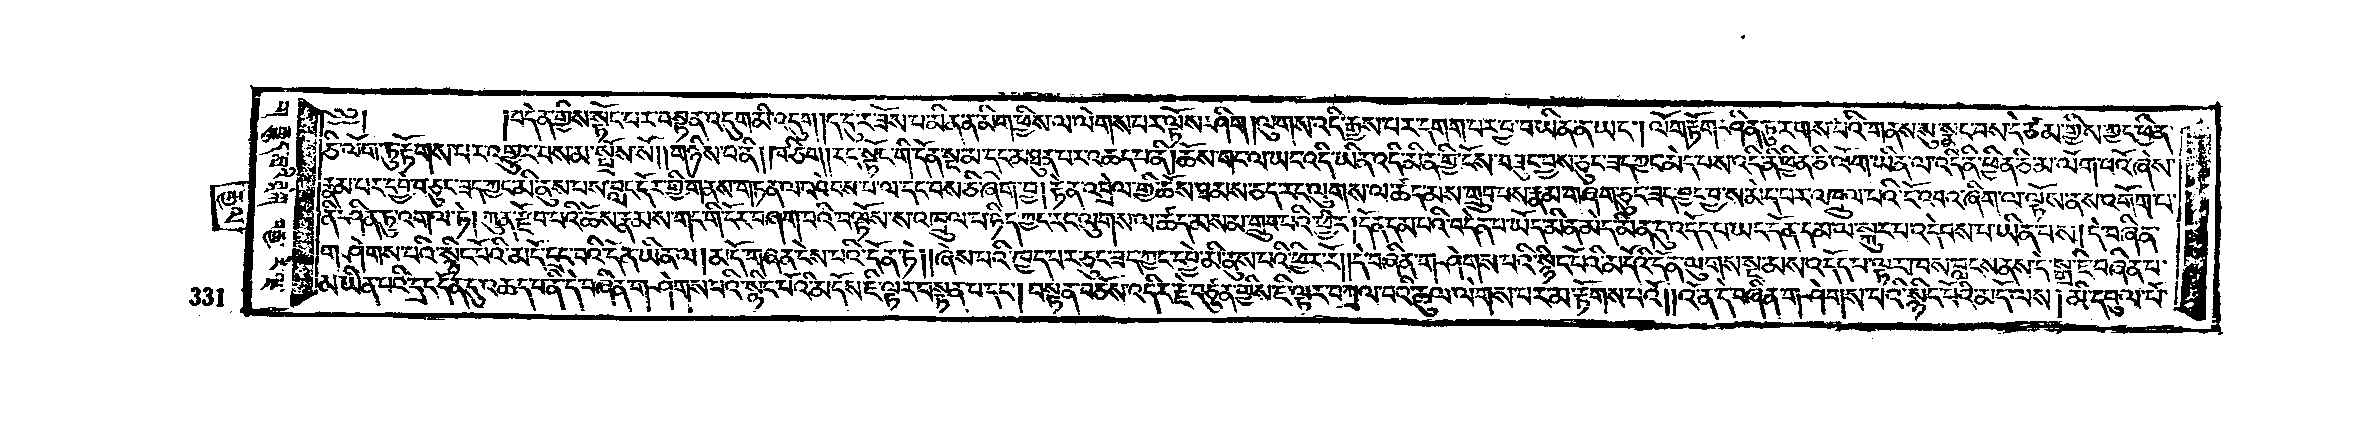༄༅། །བདེན་གྱིས་སྟོང་པར་བསྟན་འདུག་མི་འདུག །ད་དུ་ར་ཟོས་པ་མིན་ན་མིག་ཕྱིས་ལ་ལེགས་པར་ལྟོས་ཤིག །ལུགས་འདི་རྒྱས་པར་དགག་པར་བྱ་བ་ཡིན་ན་ཡང་། ལོག་རྟོག་ཤིན་ཏུ་རགས་པའི་གནས་སུ་སྣང་བས་དེ་ཙམ་གྱིས་ཀྱང་ཕྱིན་
ཅི་ལོག་ཏུ་རྟོགས་པར་འགྱུར་པས་མ་སྤྲོས་སོ། །གཉིས ༠ཨ་ནི། ཁ་ཅིག །རང་སྟོང་གི་དོན་སྔ་མཐུན་པར་འཆད་པ་ནི། ཆོས་གང་ལ་ཡང་འདི་ཡིན་འདི་མིན་གྱི་ངོས་བཟུང་བྱས་ཅུང་ཟད་ཀྱང་མེད་པས་འདི་ནི་ཕྱིན་ཅི་ལོག་ཡིན་ལ་འདི་ནི་ཕྱིན་ཅི་མ་ལོག་པའོ་ཞེས་
རྣམ་པར་དབྱེ་བ་ཅུང་ཟད་ཀྱང་མི་ནུས་པས་བླང་དོར་གྱི་གནས་གཏན་ལ་འབེབས་པ་ལ་དང་བས་ཅི་ཞིག་བྱ། རྟེན་འབྲེལ་གྱི་ཆོས་ཐམས་ཅད་རང་ལུགས་ལ་ཚད་མས་གྲུབ་པས་རྣམ་གཞག་ཅུང་ཟད་བྱང་བྱ་ས་མེད་པར་འཁྲུལ་པའི་ངོ་འབའ་ཞིག་ལ་ལྟོས་ནས་འགོག་པ་
ནི་ཤིན་ཏུ་འགལ་ཏེ། ཀུན་རྫོབ་པའི་ཆོས་རྣམས་གང་གི་ངོར་བཞག་པའི་བལྟོས་ས་འཁྲུལ་པ་ཉིད་ཀྱང་རང་ལུགས་ལ་ཚད་མས་མ་གྲུབ་པའི་ཕྱིར། དོན་དམ་པའི་བདེན་པ་ཡོད་མིན་མེད་མིན་དུ་འདོད་པ་ཡང་དོན་དམ་ལ་སྐུར་བ་འདེབས་པ་ཡིན་པས། དེ་བཞིན་
གཤེགས་པའི་སྙིང་པོའི་མདོ་དྲང་བའི་དོན་ཡིན་ལ། མདོ་གཞན་ངེས་པའི་དོན་ཏེ། །ཞེས་པའི་ཁྱད་པར་ཅུང་ཟད་ཀྱང་དབྱེ་མི་ནུས་པའི་ཕྱིར་རོ། །དེ་བཞིན་གཤེགས་པའི་སྙིང་པོའི་མདོའི་དོན་ལུགས་སྔ་མས་འདོད་པ་ལྟར་ཁས་བླངས་ནས་དེ་སྒྲ་ཇི་བཞིན་པ་
མ་ཡིན་པའི་དྲང་དོན་དུ་འཆད་པ་ནི་དེ་བཞིན་གཤེགས་པའི་སྙིང་པོའི་མདོས་ཇི་ལྟར་བསྟན་པ་དང་། བསྟན་བཅོས་འདིར་རྗེ་བཙུན་གྱིས་ཇི་ལྟར་བ་ཀྲལ་བའི་ཚུལ་ལེགས་པར་མ་རྟོགས་པའོ། །འོ་ན་དེ་བཞིན་གཤེགས་པའི་སྙིང་པོའི་མདོ་ལས། མི་དབུལ་པོ་